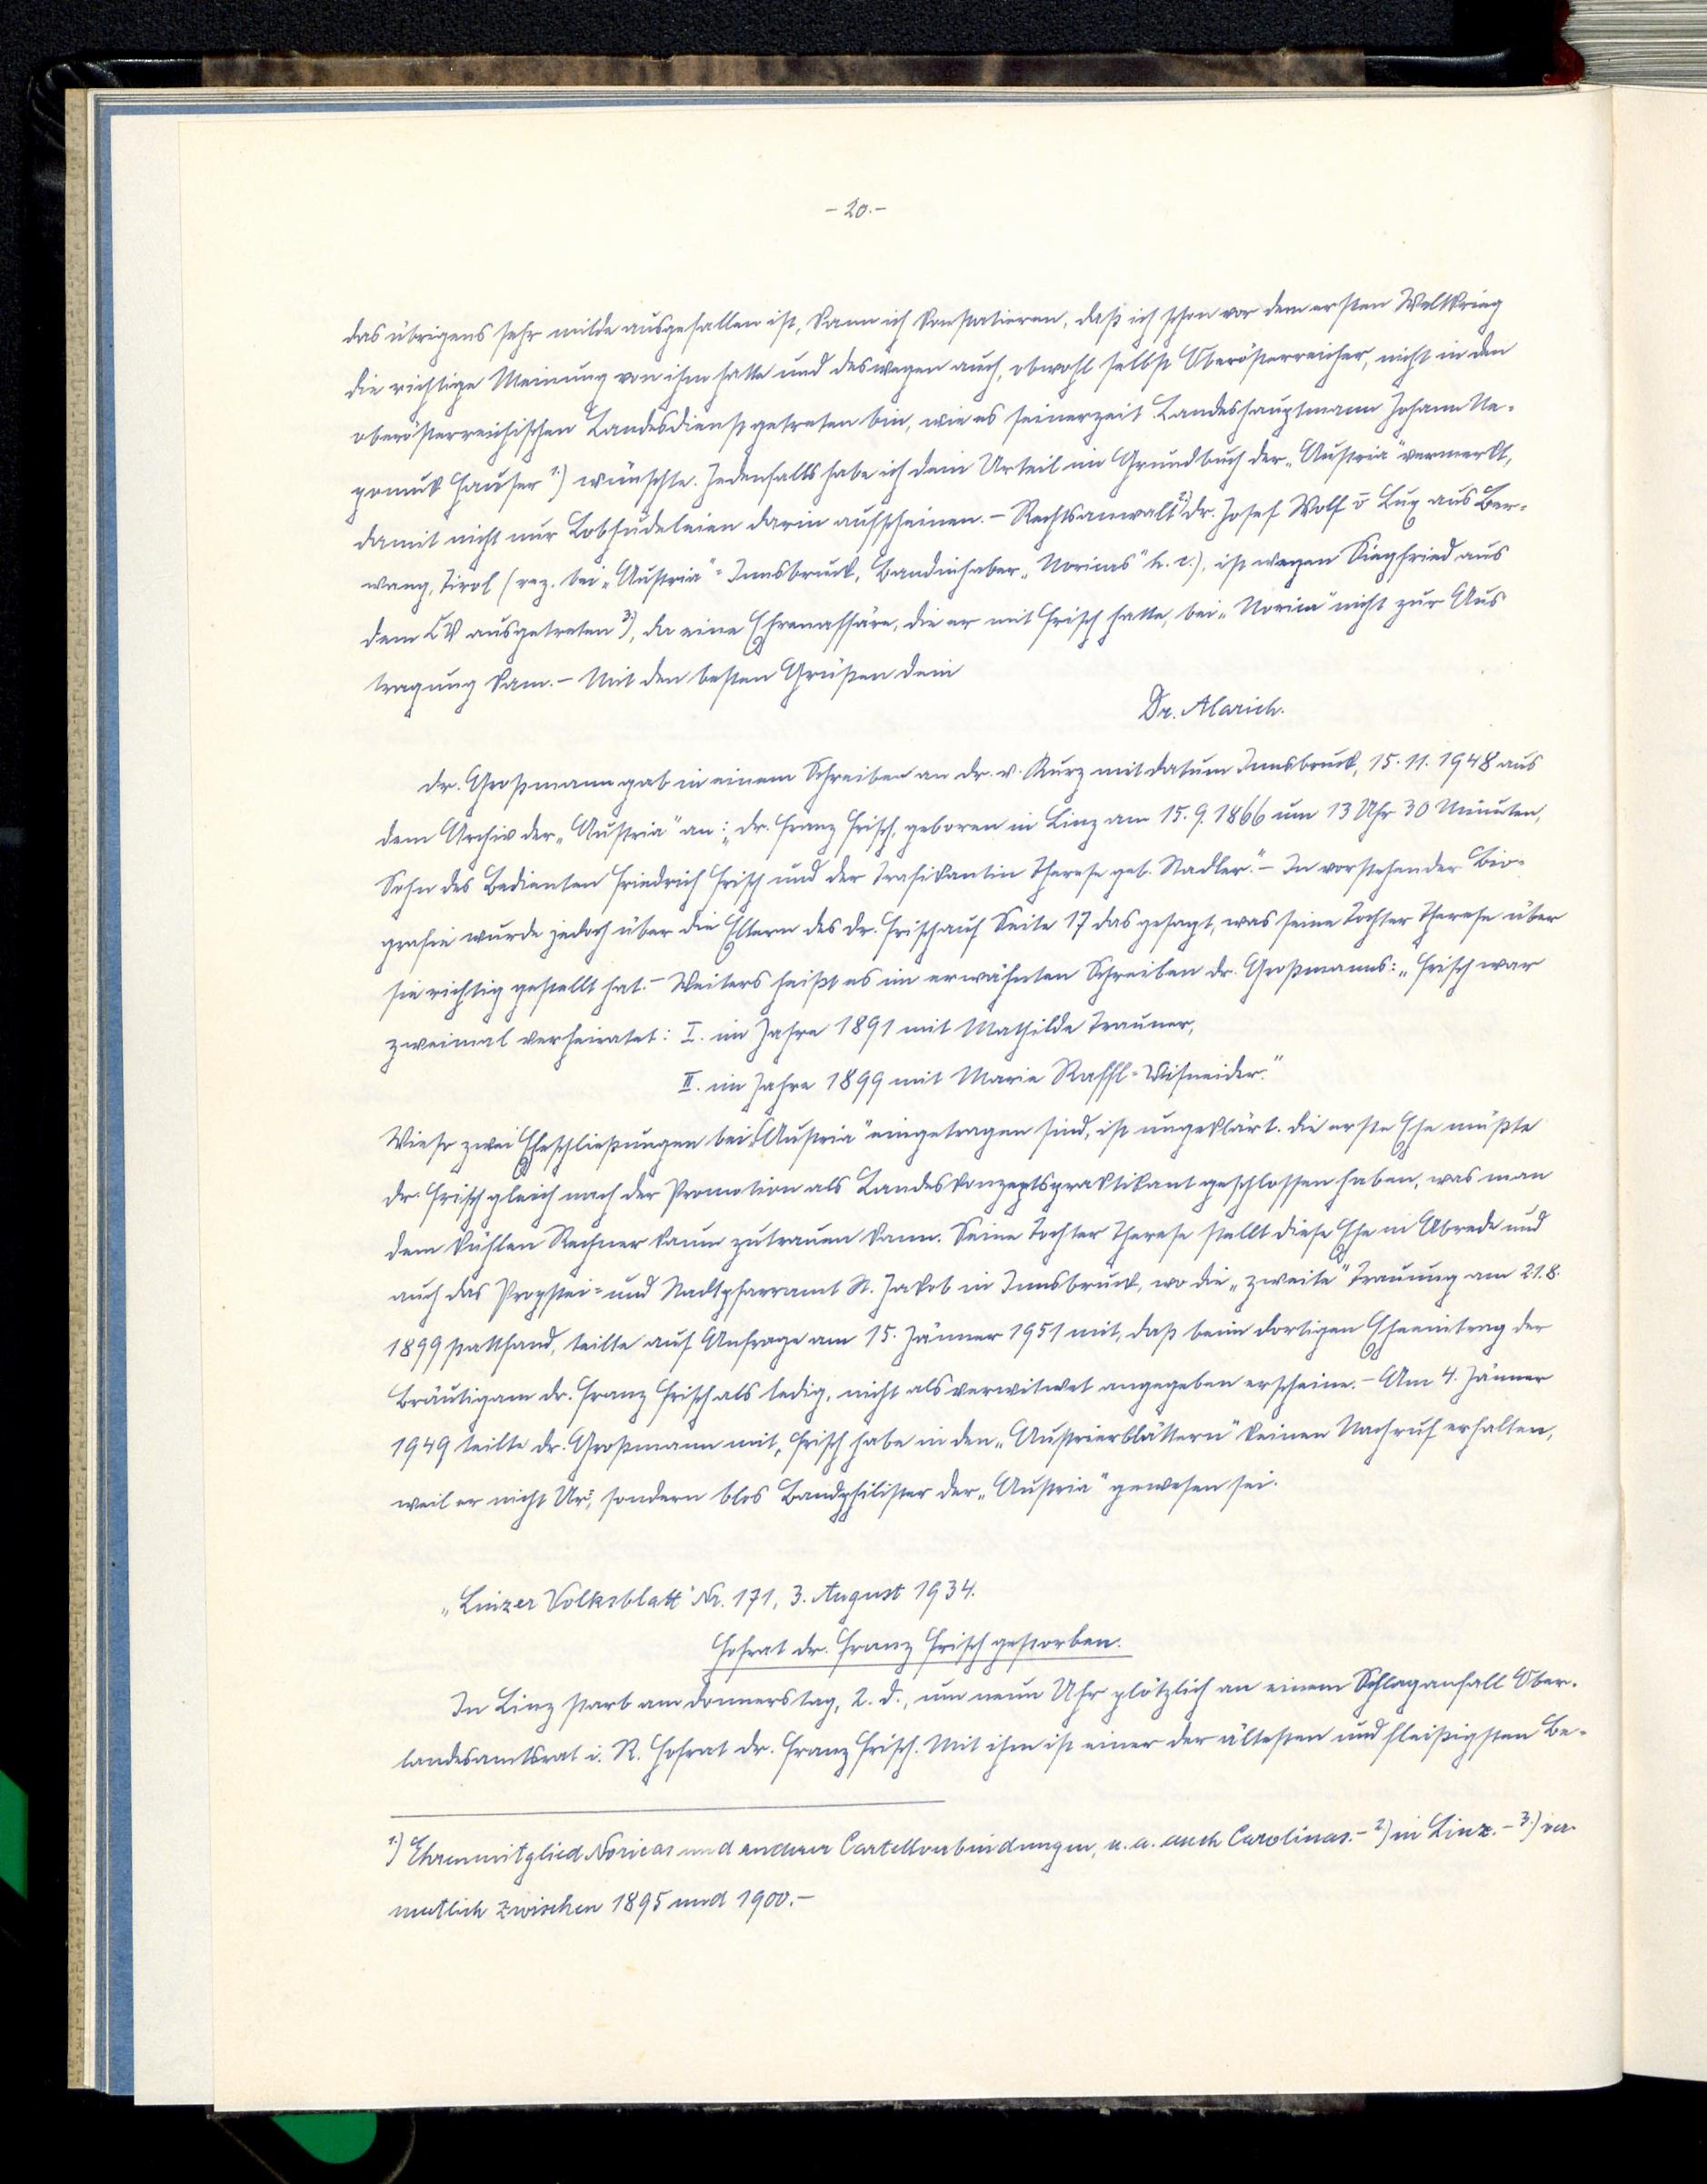20
das übrigens sehr milde ausgefallen ist kann nicht konstatieren, dass ich schon vor dem ersten Weltkrieg
die richtige Meinung von ihm hatte und deswegen auch, obwohl selbst Oberösterreicher, nicht in den
oberösterreichischen Landesdienst getreten bin, wie es seinerzeit Landeshauptmann Johann Ne-
pomuk Hauser 1) wünschte. Jedenfalls habe ich dein Urteil im Grundbuch der Austria vermerkt,
damit nicht nur Lobhudeleien darin aufscheinen. - Rechtsanwalt 2) Dr. Josef Wolf v/o Lutz aus Ber-
wenig, Tirol (rez. bei Austria Innsbruck, Bandinhaber „Noricas“ h. c.) ist wegen Siegfried aus
dem CV ausgetreten 3), da eine Ehrenaffäre, die er mit Frisch hatte, bei „Norica“ nicht zur Aus-
tragung kann. - Mit den besten Grüßen dein
Dr. Alarich
Dr. Großmann in einem Schreiben an Dr. von Kurz mit datum Innsbruck, 15.11.1948 aus
dem Archiv der Austria an: „Dr. Franz Frisch, geborenen in Linz am 15. 9. 1866 um 13 Uhr 30 Minuten
Sohn des Bedienten Friedrich Frisch und der Trafikantin Therese geborene Stadler“. - In vorstehender Bio-
grafie wurde jedoch über die Eltern des Dr. Frisch auf Seite 17 das gesagt, was seine Tochter Therese
über sie richtig gestellt hat.- Weiters heißt es im erwähnten Schreiben Dr. Großmanns: „Frisch war
zweimal verheiratet: I im Jahre 1891 mit Mathilde Trauner,
II im 1899 mit Maria Raffl-Visneider.“
Wieeso zwei Eheschließungen bei Austria eingetragen sind, ist ungeklärt. Die erste Ehe müsste
der Frisch gleich nach der Promotion als Landeskonzeptpraktikant geschlossen haben, was man dem
kühlen Rechner kaum zutrauen kann. Seine Tochter Therese stellt diese Ehe in Abrede und
auch das Propstei und Stadtspfarramt St. Jakob in Innsbruck, wo die „zweite“ Trauung am 21.8.
1899 stattfand, teilte auf Anfrage am 15. Jänner 1951 mit, dass beim dortigen Eheeintrag der
Bräutigam Dr. Franz Frisch als ledig, nicht als verwitwet angegeben erschien.- Am 4. Januar 1949
teilte Dr. Großmann mit, Frisch habe in den „Austrierblättern“ keinen Nachruf erhalten,
weil er nicht Ur- sondern bloß Bandphilister der „Austria“ gewesen sei.
„Linzer Volksblatt“, Nr. 171, 3. August 1934.
Hofrat Dr. Franz Frisch gestorben
In Linz starb am Donnerstag, 2 d. um neun Uhr plötzlich an einem Schlaganfall Ober-
landesamtsrat i.R. Hofrat Dr. Franz Frisch. Mit ihm ist einer der ältesten und fleißigsten Be-
1) Ehrenmitglied Noricas und anderer Cartellverbindungen, u. a. Carolinas.- 2) In Linz.- 3) na-
mentlich zwischen 1895 und 1900.-